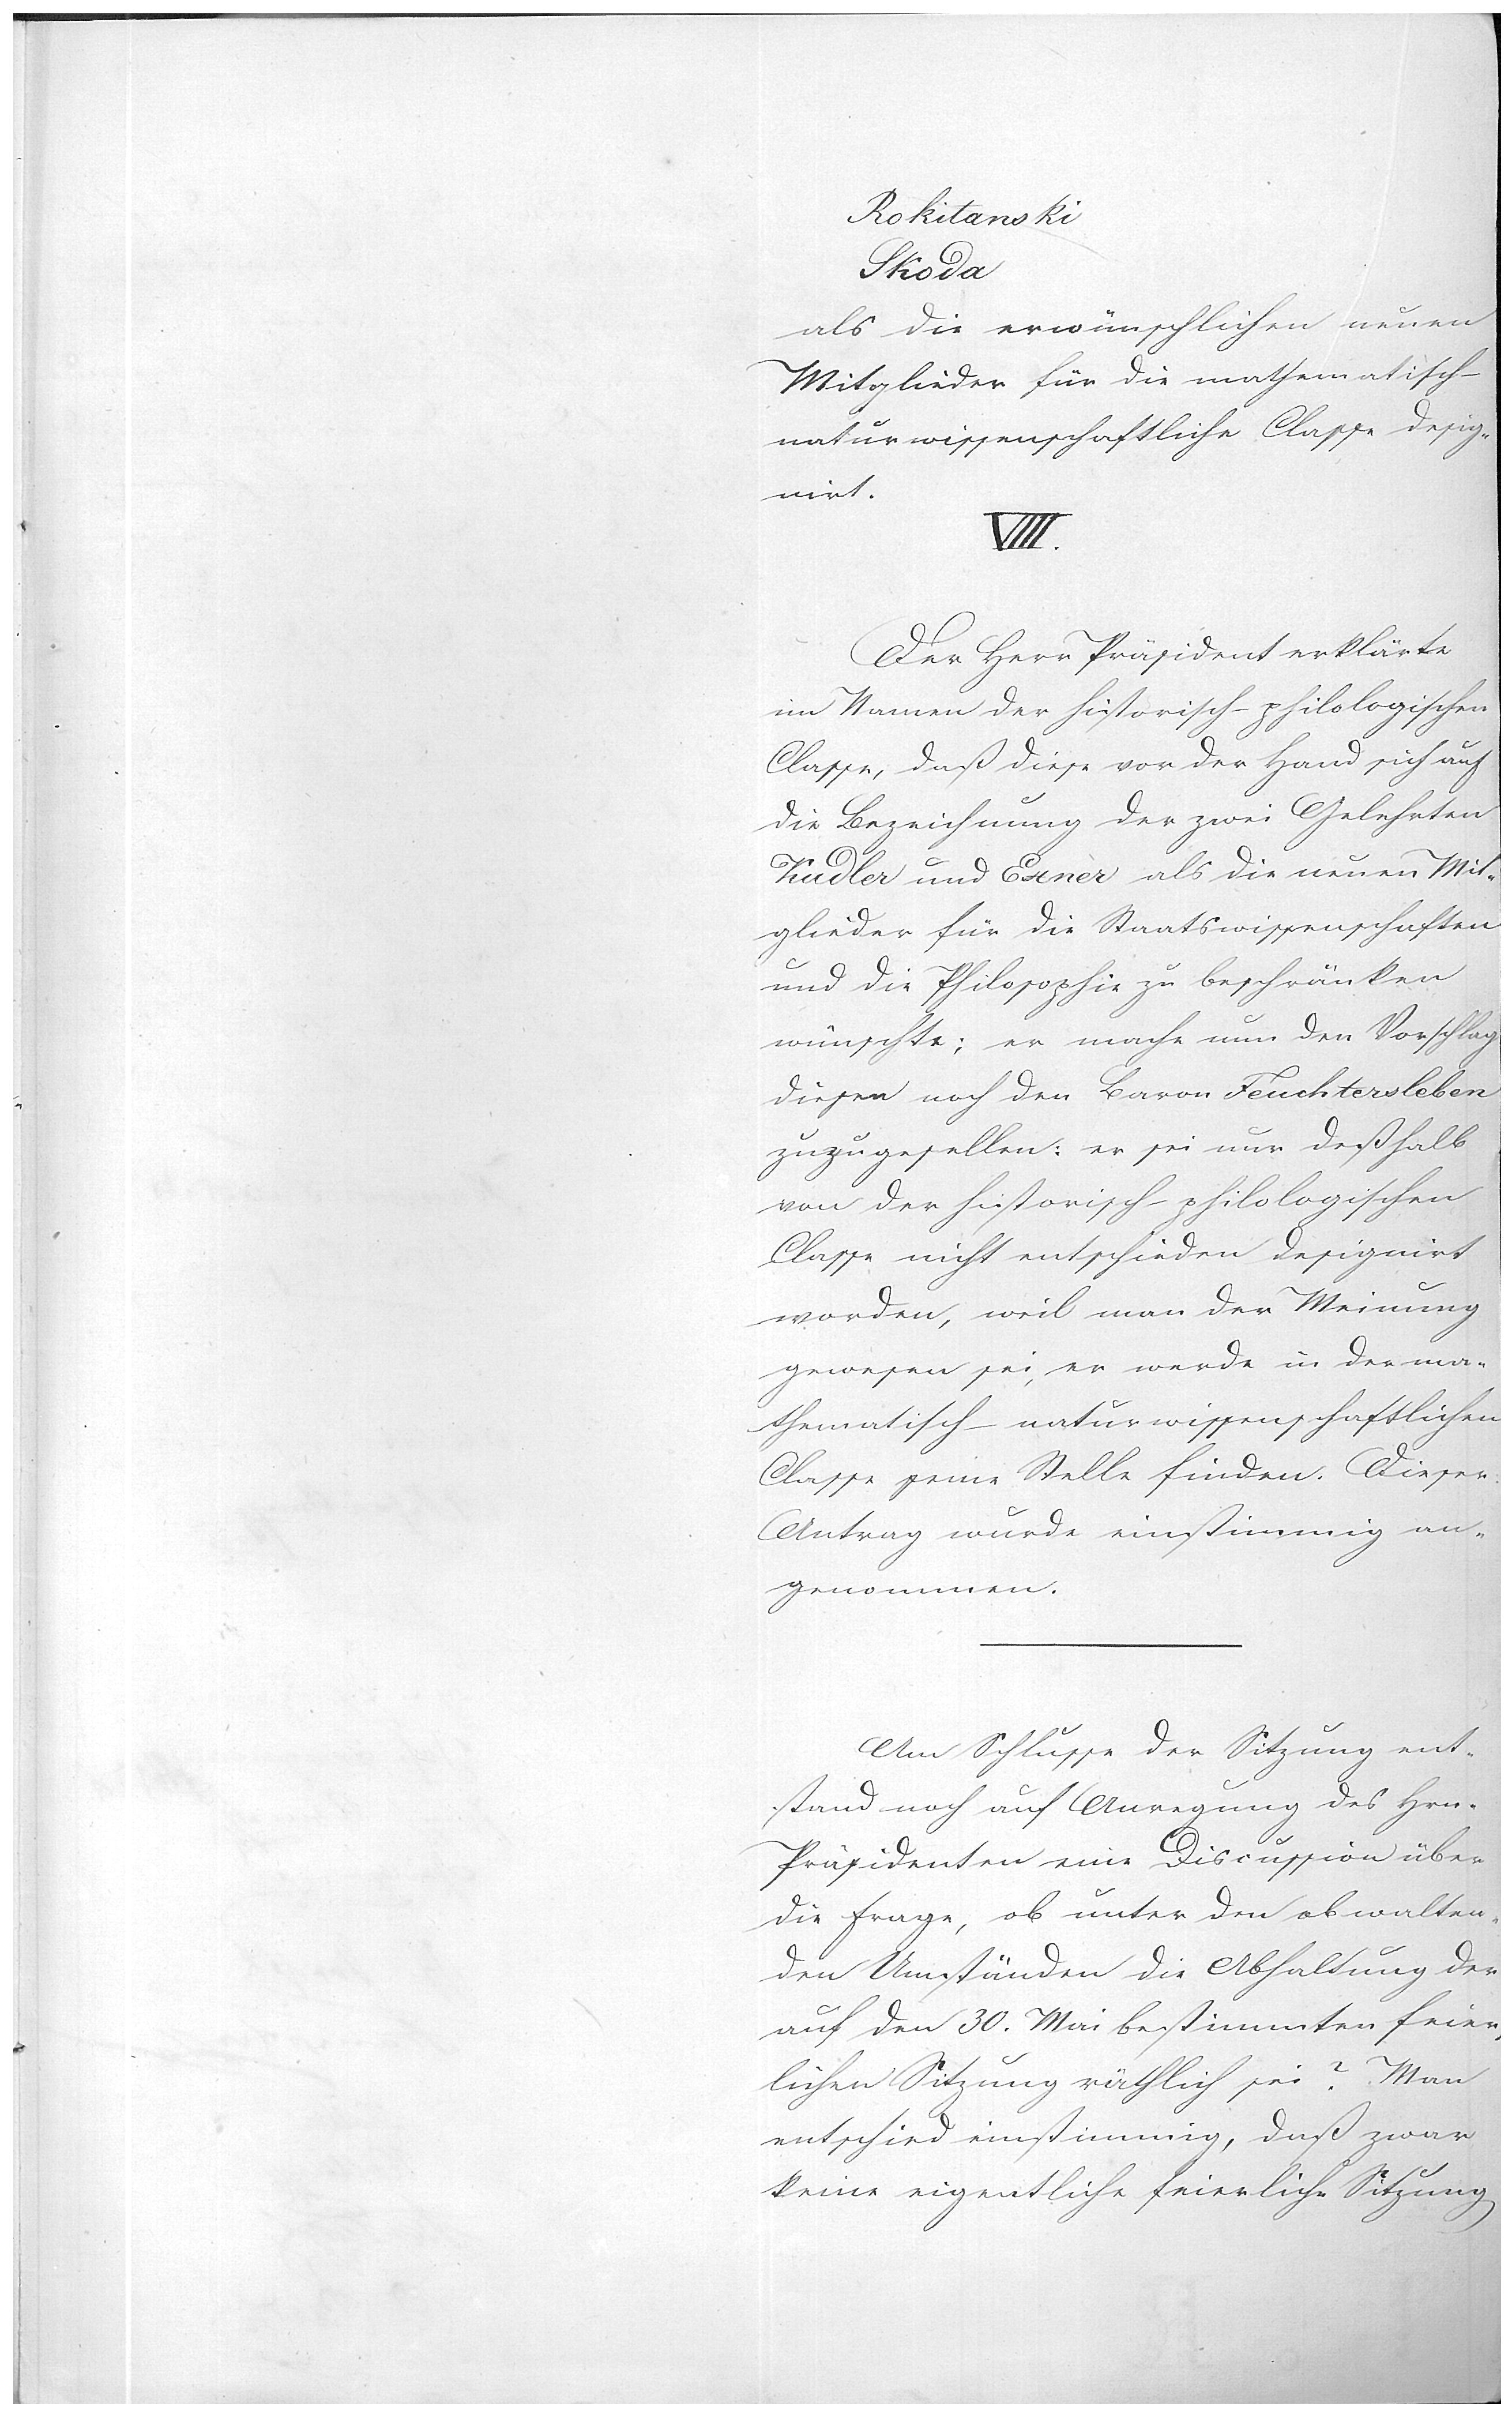Rokitanski
Skoda
als die erwünschlichen neuen
Mitglieder für die mathematisch-
naturwissenschaftliche Classe desig-
nirt.
VIII.
Der Herr Präsident erklärte
im Namen der historisch-philologischen
Classe, daß diese vor der Hand sich auf
die Bezeichnung der zwei Gelehrten
Kudler und Exner als die neuen Mit-
glieder für die Staatswissenschaften
und die Philosophie zu beschränken
wünschte; er mache nur den Vorschlag-
diesen noch den Baron Feuchtersleben
zuzugesellen: er sei nur deßhalb
von der historisch-philologischen
Classe nicht entschieden desigirt
worden, weil man der Meinung
gewesen sei, er werde in der ma-
thematisch-naturwissenschaftlichen
Classe seine Stelle finden. Dieser
Antrag wurde einstimmig an-
genommen.
An Schlusse der Sitzung ent-
stand noch auf Anregung des Herrn
Präsidenten eine Discussion über
die Frage, ob unter den obwalten-
den Umständen die Abhaltung der
auf den 30. Mai bestimmten feier-
lichen Sitzng räthlich sey? Man
entschied einstimmig, daß zwar
keine eigentliche feierliche Sitzung